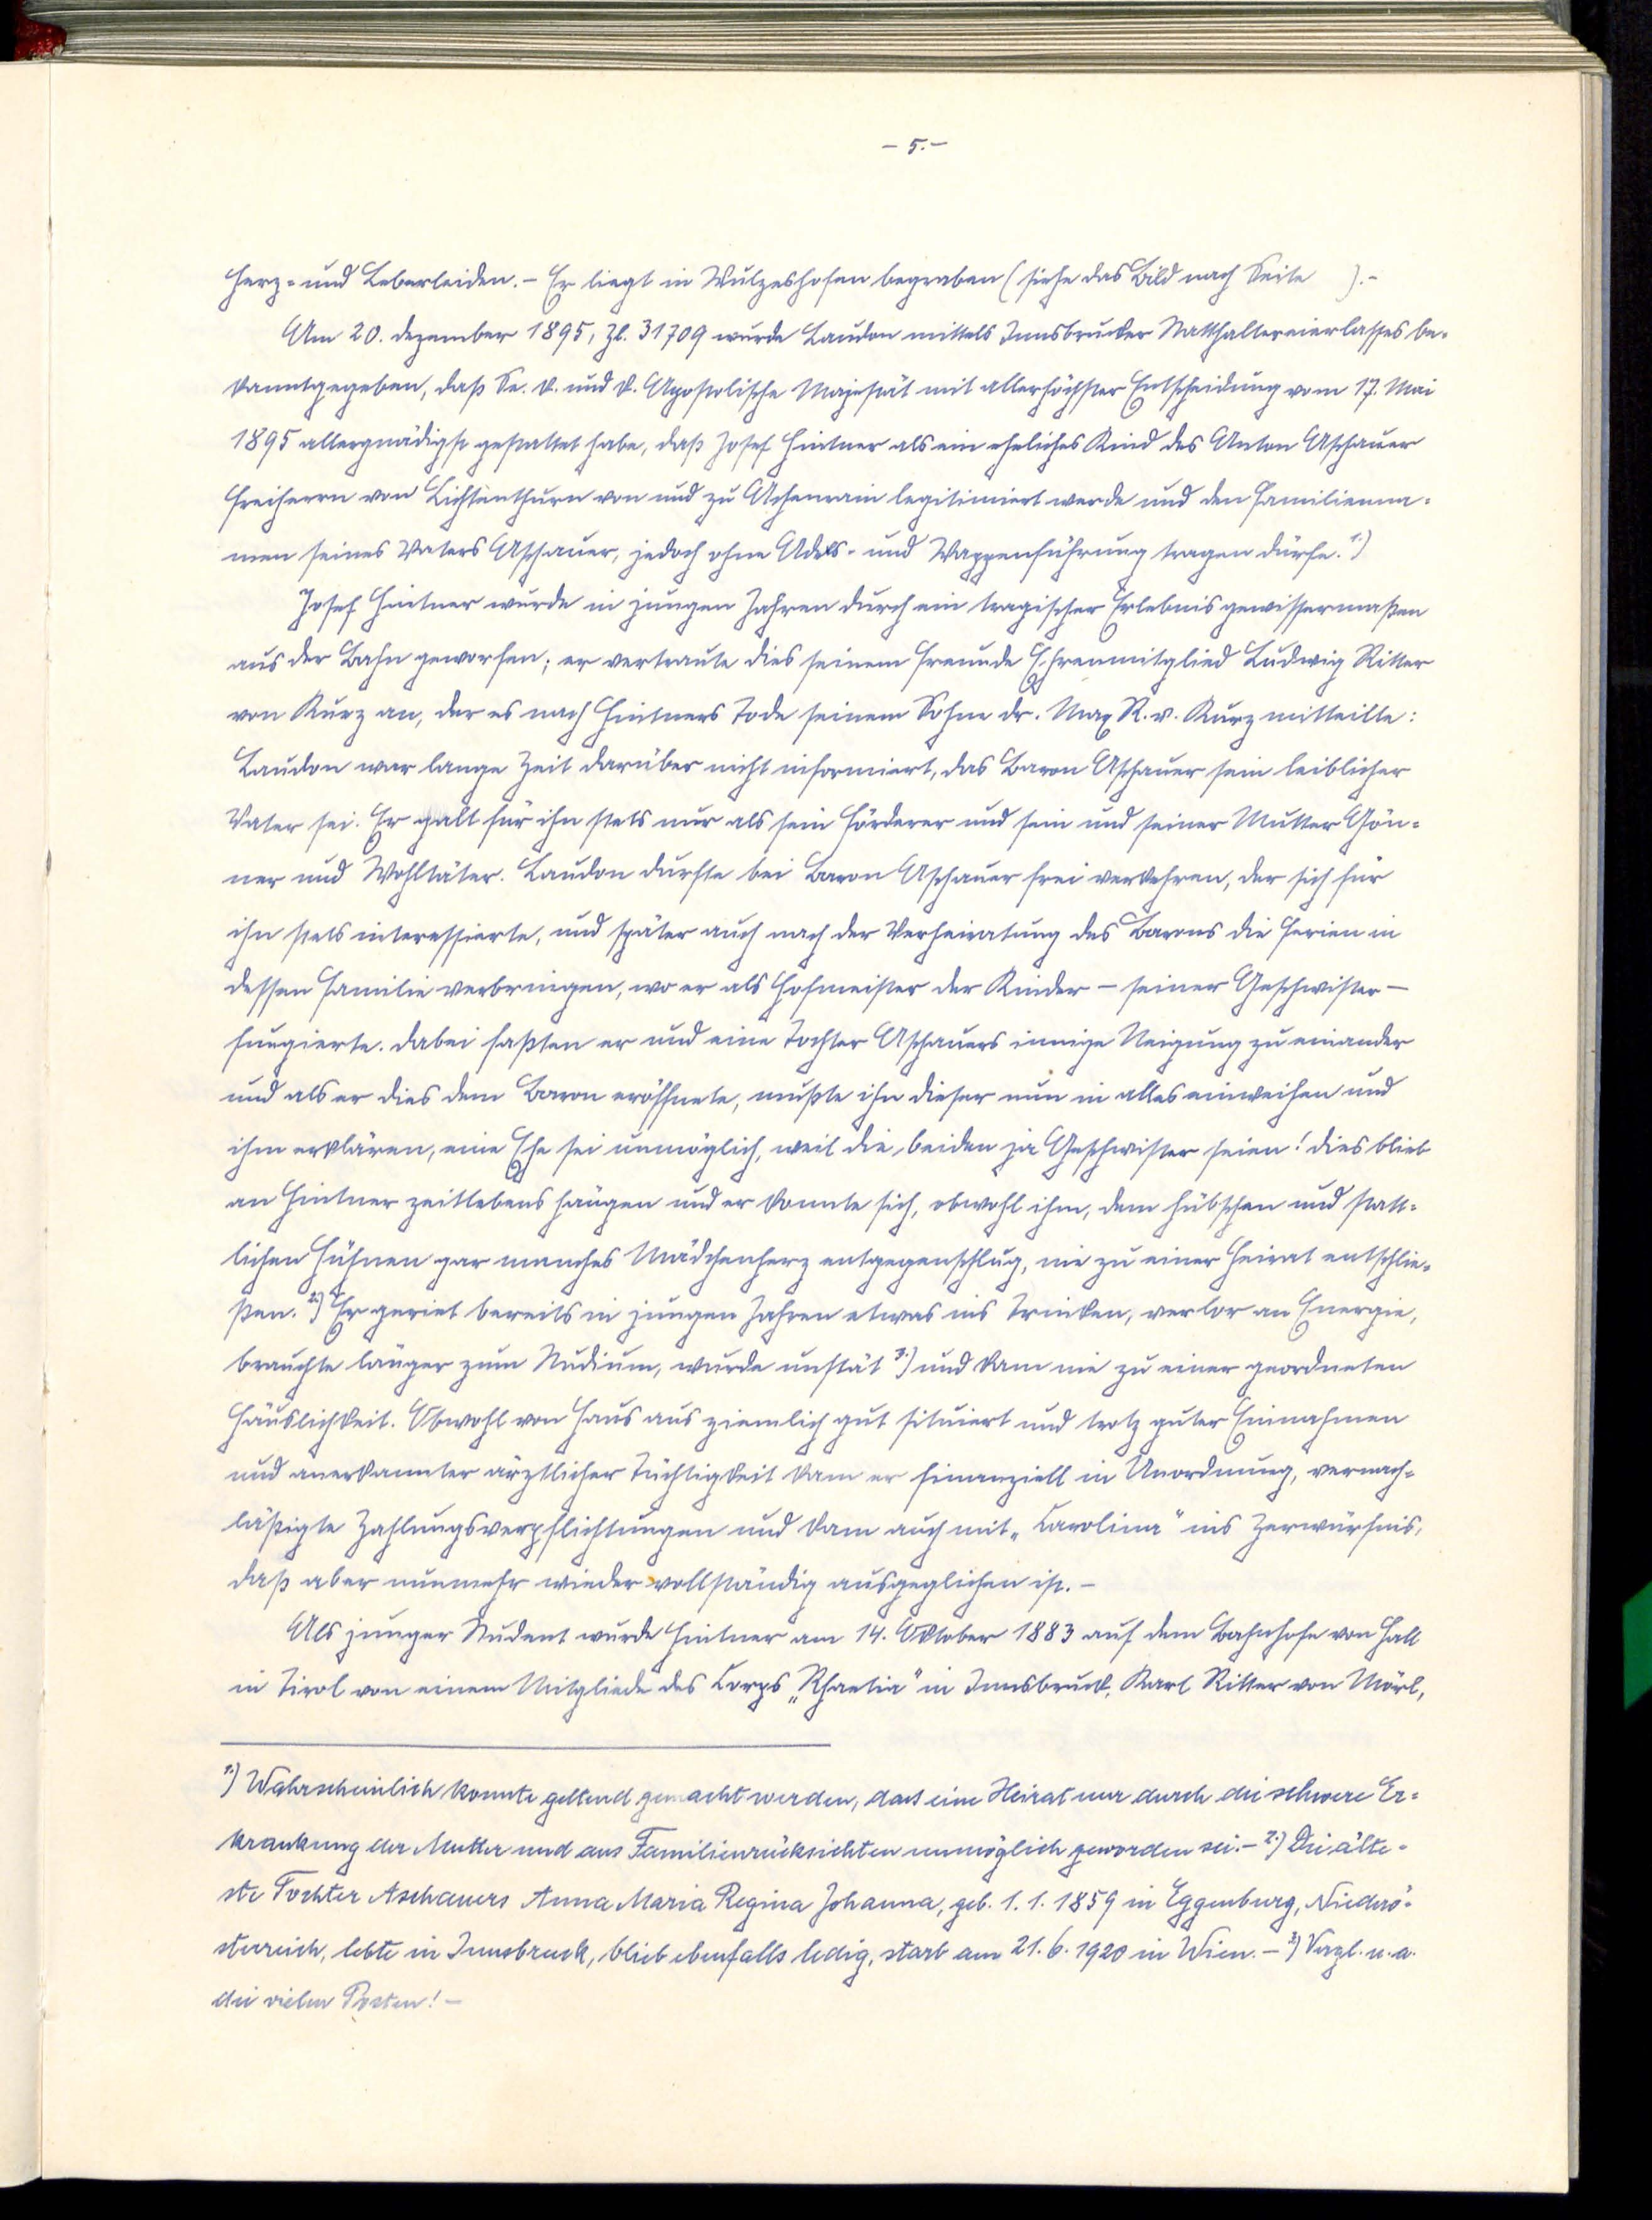5.
Herz- und Leberleiden.- Er liegt in Wulzeshofen begraben (siehe das Bild nach Seite).
Am 20. Dezember 1895, zl. 31609 wurde Laudon mittels Innsbrucker Statthaltereierlasses be-
kanntgegeben, daß Sn. k. und k. Apostolische Majestät mit allerhöchster Entscheidung vom 17. Mai
1895 allergnädigst gestattet habe, daß Josef Hintner als ein eheliches Kind des Anton Aschauer
Freiherrn von Lichtenthurn vin und zu Achenrain legitimiert werde und den Familiena-
men seines Vaters Aschauer, jedoch ohne Adels- Wappenführung und tragen dürfe 1.)
Josef Hintner wurde in jungen Jahren durch ein tragischer Erlebnis gewissermaßen
aus der Bahn geworfen; er vertraute dies seinem Freunde Ehrenmitglied Ludwig Ritter
von Kurz an, der es nach Hintners Tode seinem Sohn Dr. Max R. v. Kurz mitteilte:
Laudon war lange Zeit darüber nicht informiert, das Baron Aschauer sein leiblicher
Vater sei. Er galt für ihn stets nur als sein Förderer uns sein und seiner Mutter Gön-
ner und Wohltäter. Laudon durfte bei Baron Aschauer frei verkehren, der sich für
ihn stets interessierte, und später auch nach der Verheiratung des Barons die Ferien in
dessen Familie verbringen, wo er als Hofmeister der Kinder - seiner Geschwister
fungierte. Dabei faßten er und eine Tochter Aschauers innige Neigung zu einander
und als er dies dem Baron eröffnete, mußte ihn dieser nun in alles einweihen und
ihm erklären, eine Ehe sei unmöglich, weil die beiden ja Geschwister seien! Dies blieb
an Hintner zeitlebens hängen und er konnte sich, obwohl ihm, dem hübschen und statt-
lochen Hühnen gar manches Mädchenherz entgegenschlug, nie zu einer Heirat entschlie-
ßen. 2.)Er geriet bereits in jüngeren Jahren etwas ins trinken, verlor an Energie,
brauchte länger zum studieren, wurde unstät 3.) und kam nie zu einer geordneten
Häuslichkeit. Obwohl von Haus aus ziemlich gut situiert und trotz guter Einnahmen
und anerkannter ärztlicher Tüchtigkeit kam er finanziell in Unordnung, vernach-
läßigte Zahlungsverpflichtungen und kam auch mit "Carolina" ins Zerwürfnis,
daß aber nunmehr wieder vollständig ausgeglichen ist.
Als junger Student wurde Hintner am 14, Oktober 1883 auf dem Bahnhofe von Hall
in Tirol von einem Mitglied des Corps "Rhaetia" in Innsbruck, Karl Ritter von Mörl,
1.) Wahrscheinlich konnte geltend gemacht werden, daß eine Heirat nur durch die schwere Er-
krankung der Mutter und aus Familienrücksichten unmöglich geworden sei,- 2.) Die älte-
ste Tochter Aschauers Anna Maria Regina Johanna, geb. 1.1.1859 in Eggenberg, Niederö-
sterreich, lebte in Innsbruck, blieb ebenfalls ledig, starb am 21.6.1920 in Wien.- 3.) Vergl. u.a.
die vielen Posten!